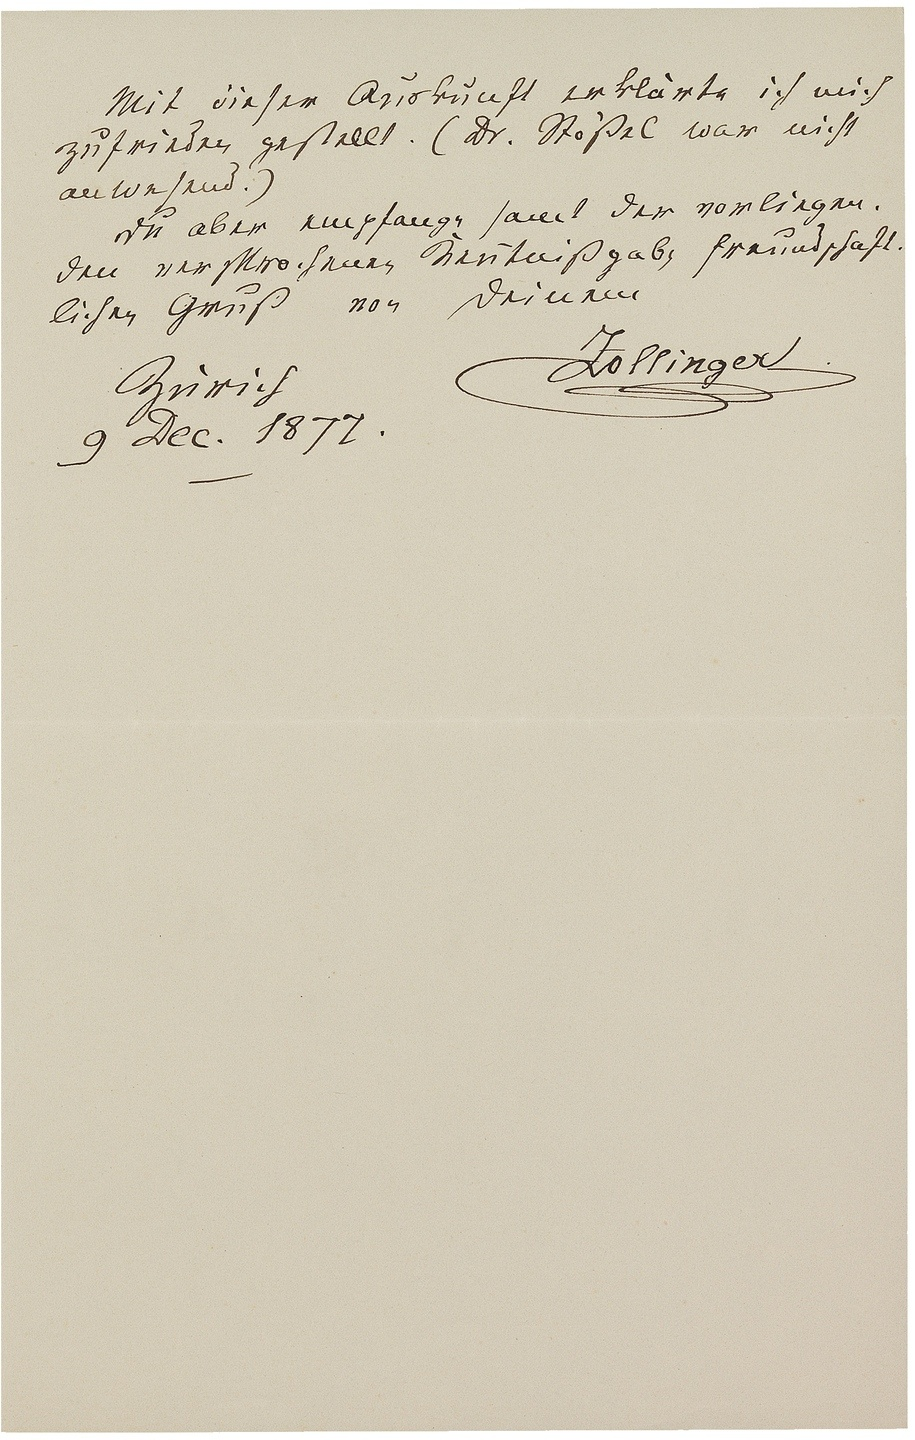Mit dieser Auskunft erklärte ich mich
zufrieden gestellt. (Dr. Stößel war nicht
anwesend.)
Du aber empfange samt der vorliegen-
den versprochenen Kenntnißgabe freundschaft-
lichen Gruß von Deinem
Zollinger.
Zürich
9 Dec. 1877.